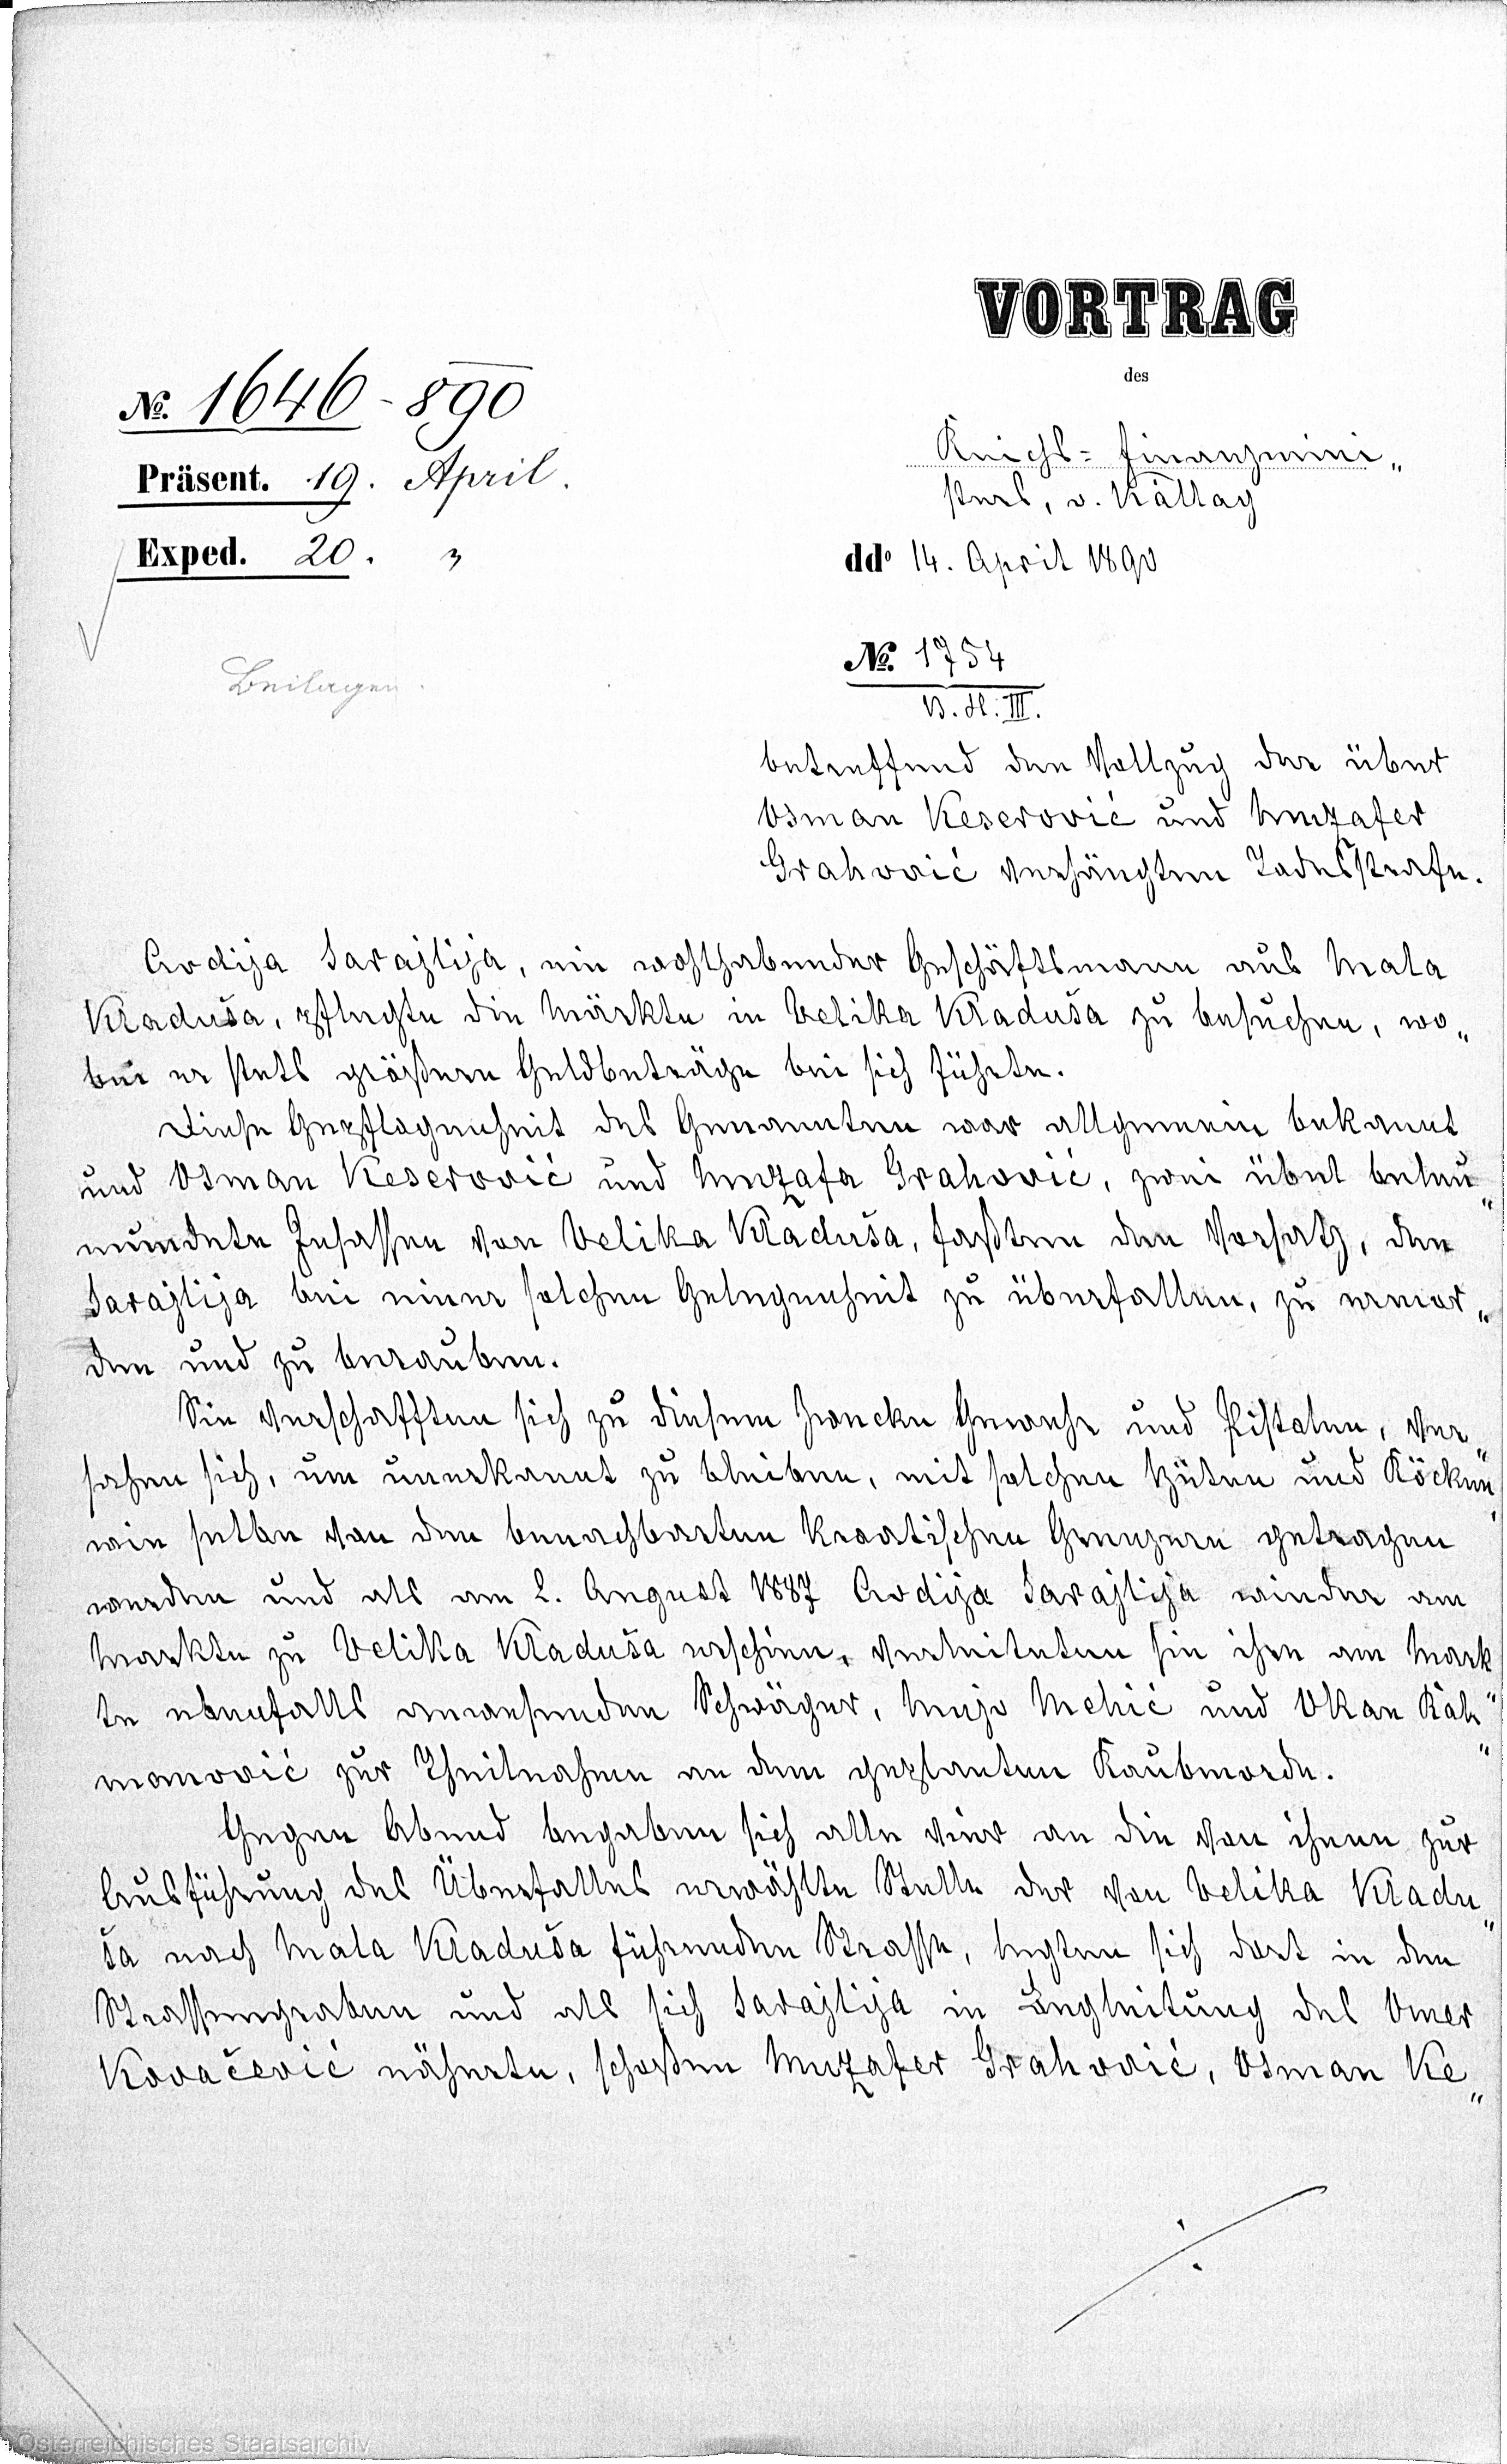VORTRAG
des
Reichs-Finanzmini¬
sters, v. Kállay
dd° 14. April 1890
N° 1754
B. H. III.
betreffend den Vollzug der über
Osman Keserović und xxfer
Grahović verhängten Todesstrafe.
Crodija Savajlija, ein wohlhabender Geschäftsmann aus Mala
Kladuša, pflegte die Märkte in Velika Kladuša zu besuchen, wo¬
bei er stets größere Geldbeträge bei sich führte.
Diese Gepflogenheit des Genannten war allgemein bekannt
und Osman Keserović und Muzafa Grahović, zwei übel beleu¬
mundete Insassen von Velika Kladuša, faßten den Versatz, den
Savajlija bei einer solchen Gelegenheit zu überfallen, zu ermor¬
den und zu berauben.
Sie Verschafften sich zu diesem Zwecke Gewehr und Pistolen, ver¬
sahen sich, um unerkannt zu bleiben, mit solchen Hüten und Röcken,
wie selbe von den benachbarten Kroatischen Grenzern getragen
werden und als am 2. August 1887 Crodija Savajlija wieder am
Markte zu Velika Kladuša erschien, Verteiteten sie ihre am Mark¬
te ebenfalls anwesenden Schwäger, Mujo Mehić und Okan Rab¬
momović zur Theilnahme an dem geplanten Raubmorde.
Gegen Abend begeben sich alle vier an die von ihnen zur
Ausführung des Überfalles erwählte Stelle der von Velika Kladu¬
ša nach Mala Kladuša führenden Strasse, legten sich dort in den
Strassengraben und als sich Savajlija in Begleitung des Omer
Kovačević näherte, schoßen Muzafer Grahović, Osman Ke¬
N° 1646-890
Präsent. 19. April.
Exped. 20. April.
Beilagen.